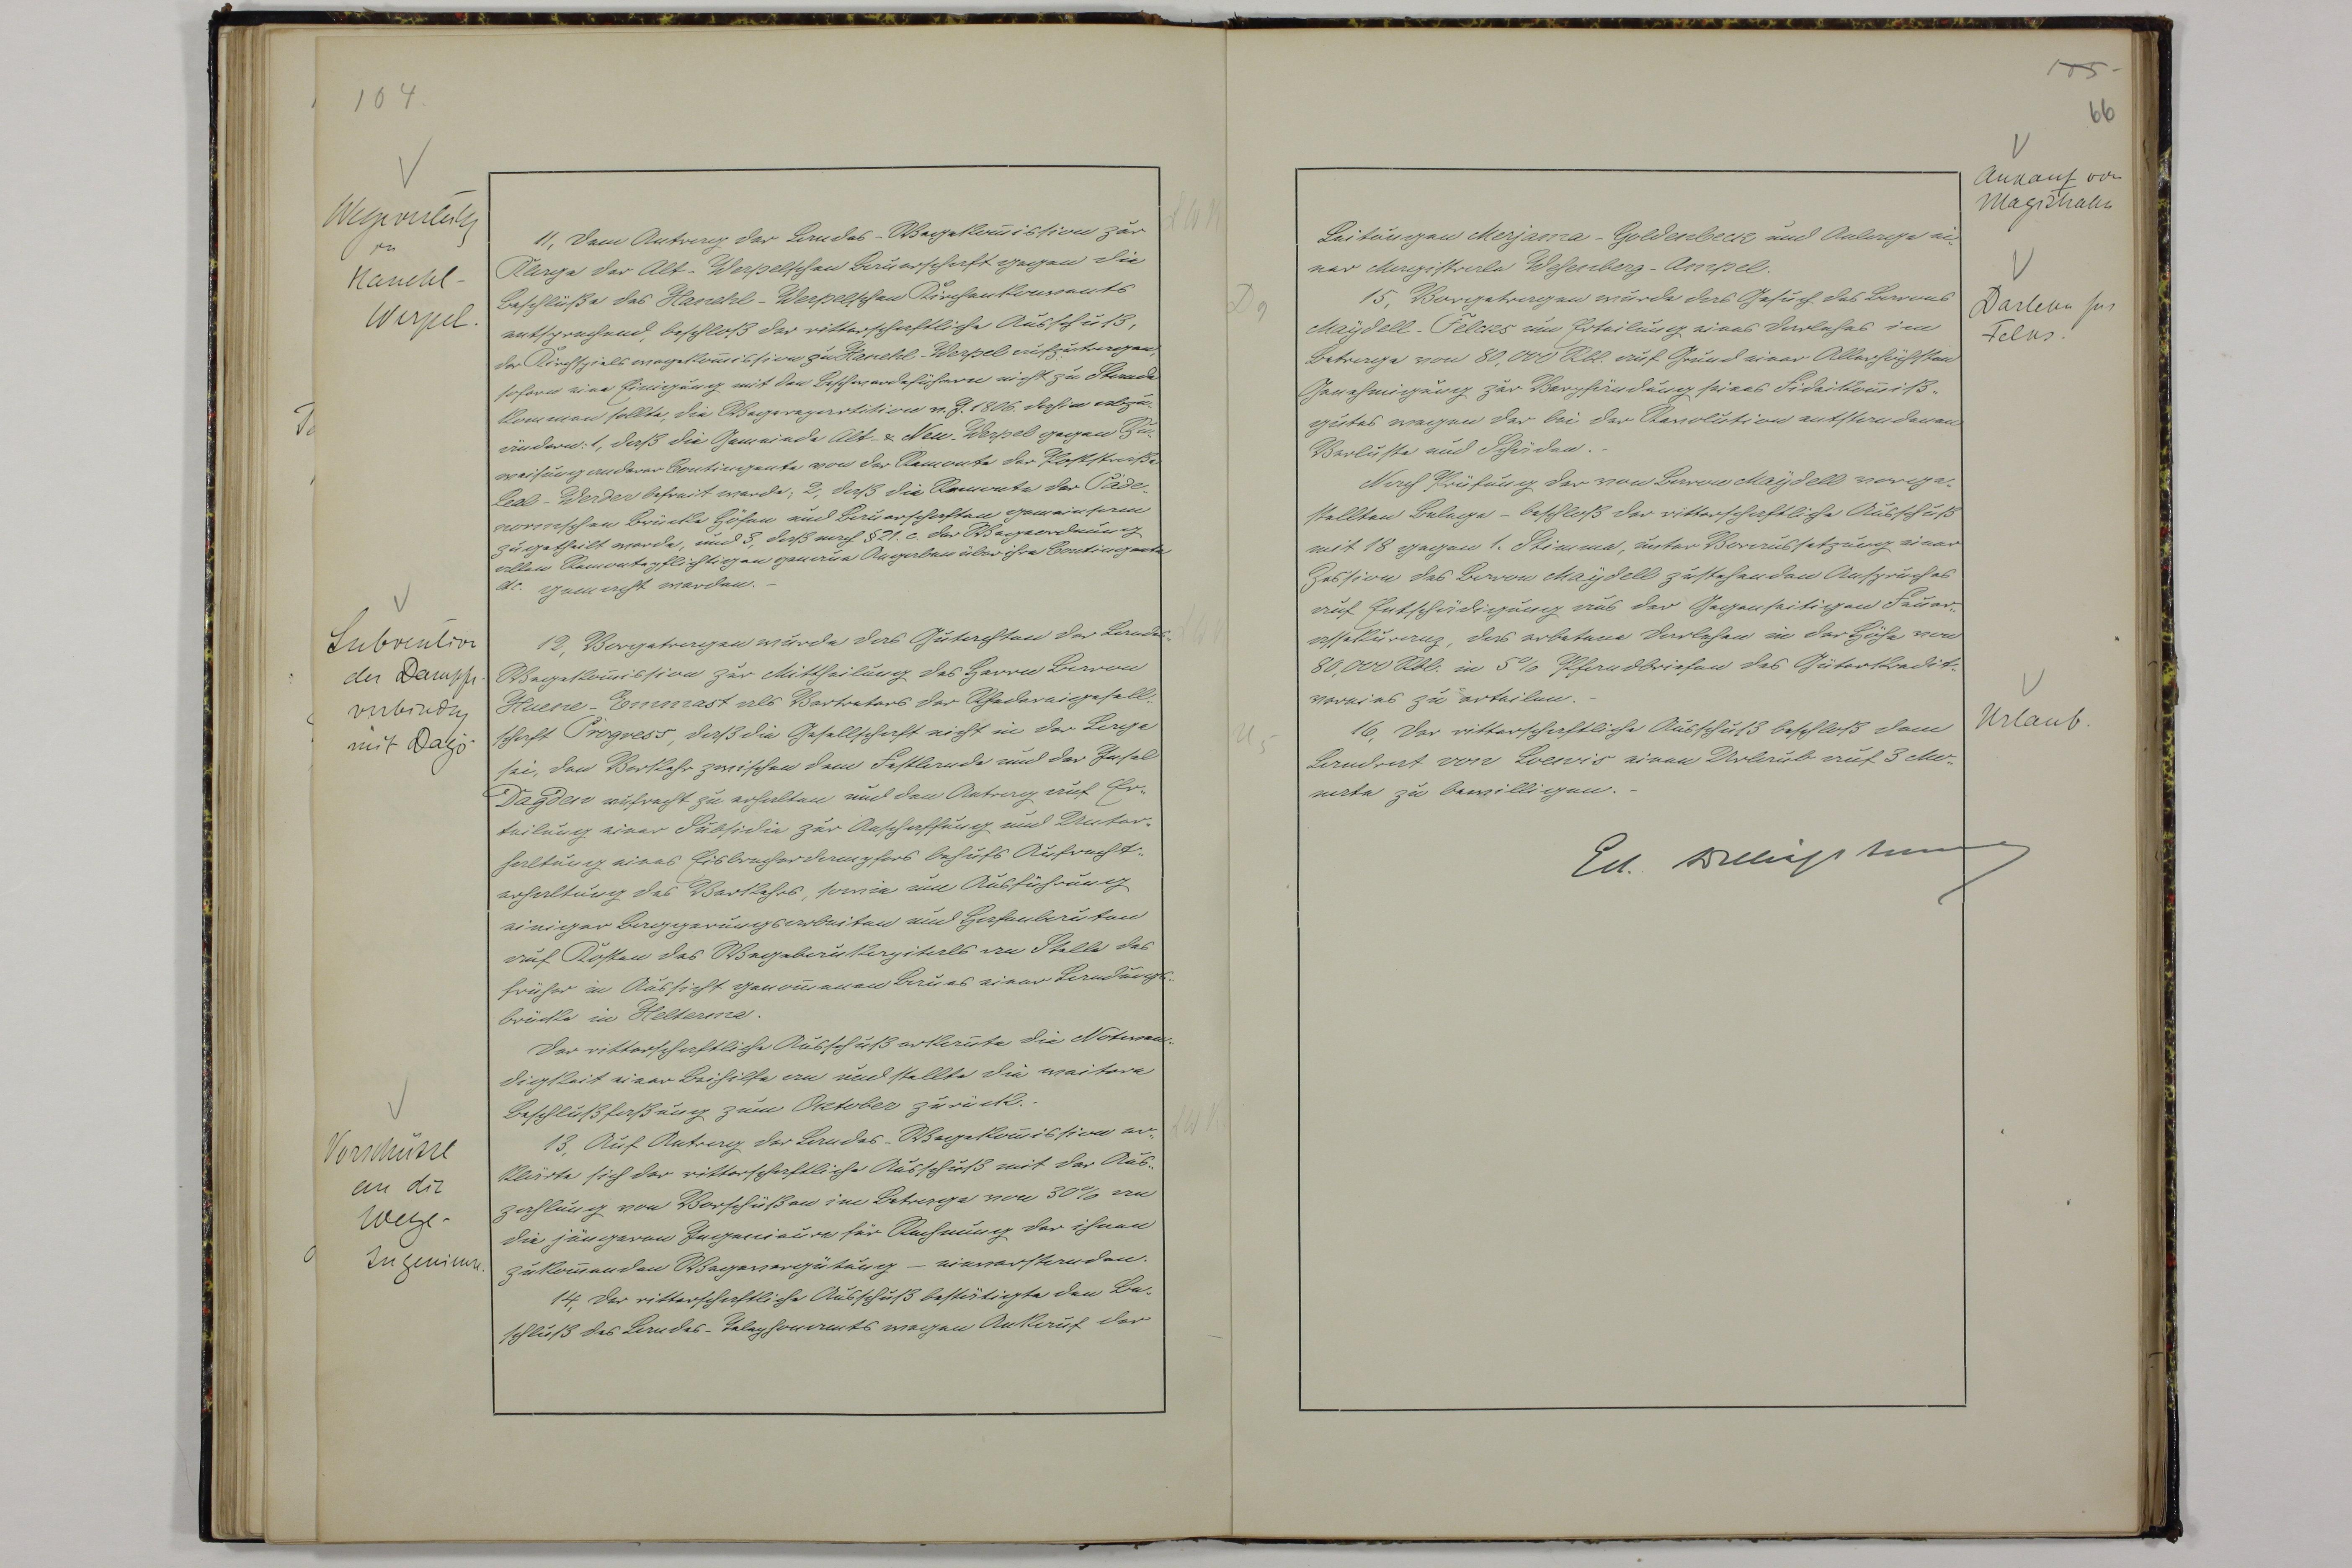Wegeverteilung
in
Hanehl
Werpel
Subvention
der Dampfer
verbindung
mit Dagö
Vorschüsse
an die
Wege-
Ingenieure
11. Dem Antrag der Landes-Wegekommission zur
Klage der Alt-Werpelschen Bauerschaft gegen die
Beschlüße des Hanehl-Werpelschen Kirchenkonvents
entsprechend, beschloß der ritterschaftliche Ausschuß,
der Kirchspielswegekommission zu Hanhehl-Werpel aufzutragen,
sofern eine Einigung mit den Beschwerdeführern nicht zu Stande
kommen sollte, die Wegerepartition v. J. 1806. dahin abzu-
ändern: 1. daß die Gemeinde Alt- & Neu-Werpel gegen Zu-
weisung anderer Contingente von der Remonte der Poststraße
Leal – Werder befreit werde; 2. daß die Remonte der Pade-
normschen Brücke Höfen und Bauerschaften gemeinsam
zugetheilt werde, und 3. daß nach § 21.c der Wegeordnung
allen Remontepflichtigen genaue Angaben über ihre Contingente
ac. gemacht werden.
12. Vorgetragen wurde das Gutachten der Landes-
Wegekommission zur Mittheilung des Herrn Baron
Huene-Emmast als Vertreters der Rhedereigesell-
schaft Progress, daß die Gesellschaft nicht in der Lage
sei, den Verkehr zwischen dem Festlande und der Insel
Dagden aufrecht zu erhalten, und den Antrag auf Er-
teilung einer Subsidie zur Anschaffung und Unter-
haltung eines Eisbrecherdampfers behufs Aufrecht-
erhaltung des Verkehrs, sowie um Ausführung
einiger Baggerungsarbeiten und Hafenbauten
auf Kosten des Wegebaukapitals an Stelle des
früher in Aussicht genommenen Baues einer Landungs-
brücke in Helterma.
Der ritterschaftliche Ausschuß erkannte die Notwen-
digkeit einer Beihilfe an und stellte die weitere
Beschlußfaßung zum Oktober zurück.
13. Auf Antrag der Landes-Wegekommission er-
klärte sich der ritterschaftliche Ausschuß mit der Aus-
zahlung von Vorschüßen im Betrage von 30% an
die jüngeren Ingenieure für Rechnung der ihnen
zukommenden Wegevergütung - einverstanden.
14. Der ritterschaftliche Ausschuß bestätigte den Be-
schluß des Landes-Telephonamts wegen Ankauf der
Leitungen Merjama – Goldenbeck und Anlage ei-
ner Magistrale Wesenberg – Ampel.
15. Vorgetragen wurde das Gesuch des Barons
Maydell-Felcks um Erteilung eines Darlehns im
Betrage von 80.000 Rbl. auf Grund einer Allerhöchsten
Genehmigung zur Verpfändung seines Fideikommiß-
gutes wegen der bei der Revolution entstandenen
Verluste und Schäden.
Nach Prüfung der von Baron Maydell vorge-
stellten Belege - beschloß der ritterschaftliche Ausschuß
mit 18 gegen 1 Stimme, unter Voraussetzung einer
Zession des Baron Maydell zustehenden Anspruches
auf Entschädigung aus der Gegenseitigen Feuer-
assekuranz, das erbetene Darlehen in der Höhe von
80.000 Rbl. in 5% Pfandbriefen des Güterkredit-
vereins zu erteilen.
16. Der ritterschaftliche Ausschuß beschloß dem
Landrat von Loewis einen Urlaub auf 3 Mo-
nate zu bewilligen.
Ed. Dellingshausen
Ankauf von
Magistralen
Darlehn für
Felks
Urlaub